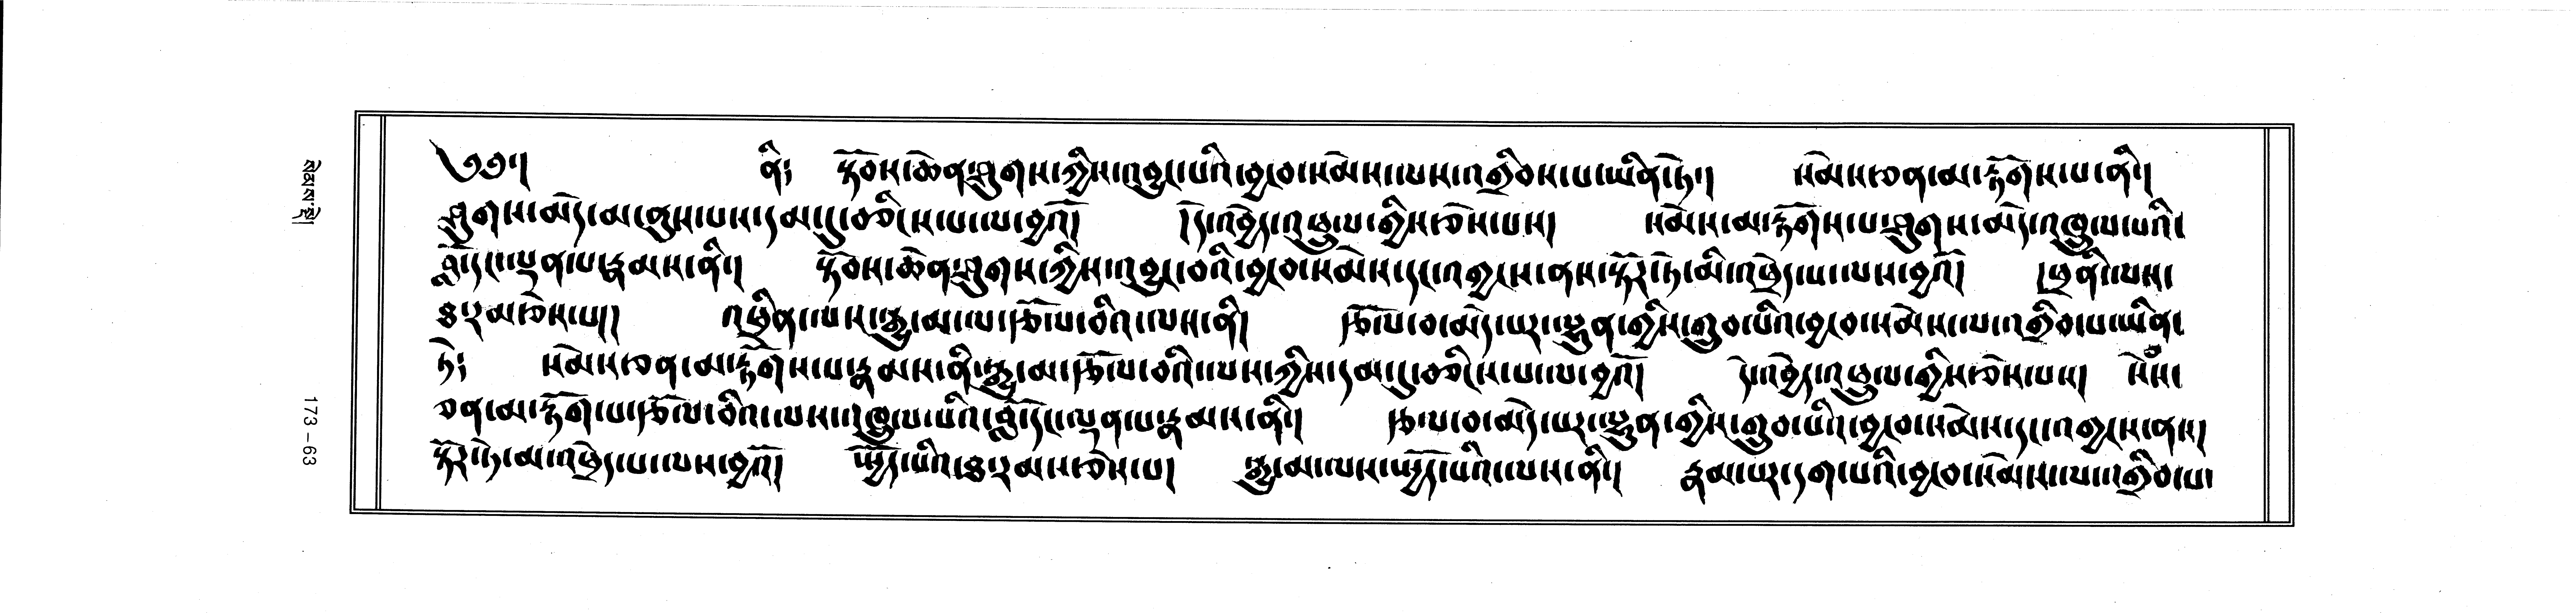ནི། སྟོབས་ཆེན་ཤུགས་ཀྱིས་འབྱུང་བའི་བྱང་ཆུབ་སེམས་ལས་འགྲིབས་པ་ཡིན་ཏེ། སེམས་ཅན་མ་རྟོགས་པ་ནི། 
ཤུགས་མེད་མ་ནུས་པས་དམ་དུ་བཅིངས་པ་ལ་བྱའོ། །དེ་འབྱེད་འཕྲུལ་གྱིས་ཅེས་པས། སེམས་ཅན་མ་རྟོགས་པ་ཤུགས་མེད་འཁྲུལ་པའི་
བློ་དང་ལྡན་པ་རྣམས་ནི། སྟོབས་ཆེན་ཤུགས་ཀྱིས་འབྱུང་བའི་བྱང་ཆུབ་སེམས་དང་འགྱངས་ནས་སྟོར་ཏེ་མི་འཕྲད་པ་ལ་བྱའོ། འཕྲིན་ལས་
ཐ་རམ་ཅེས་པ། འཕྲིན་ལས་སྒྱུ་མ་ལ་རྩོལ་བའི་ལས་ནི། རྩོལ་བ་མེད་པར་ལྷུན་གྱིས་གྲུབ་པའི་བྱང་ཆུབ་སེམས་ལ་འགྲིབ་པ་ཡིན་
ཏེ། སེམས་ཅན་མ་རྟོགས་པ་རྣམས་ནི་སྒྱུ་མ་རྩོལ་བའི་ལས་ཀྱིས་དམ་དུ་བཅིངས་པ་ལ་བྱའོ། །དེ་འབྱེད་འཕྲུལ་གྱིས་ཅེས་པས། སེམས་
ཅན་མ་རྟོགས་པ་རྩོལ་བའི་ལས་འཁྲུལ་པའི་བློ་དང་ལྡན་པ་རྣམས་ནི། རྩལ་བ་མེད་པར་ལྷུན་གྱིས་གྲུབ་པའི་བྱང་ཆུབ་སེམས་དང་འགྱངས་ནས། 
སྟོར་ཏེ་མ་འཕྲད་པ་ལ་བྱའོ། །སྤྱོད་པའི་ཐ་རམ་ཅེས་པ། སྒྱུ་མ་ལས་སྤྱོད་པའི་ལས་ནི། རྣམ་པར་དག་པའི་བྱང་ཆུབ་སེམས་དང་འགྲིབ་པ་